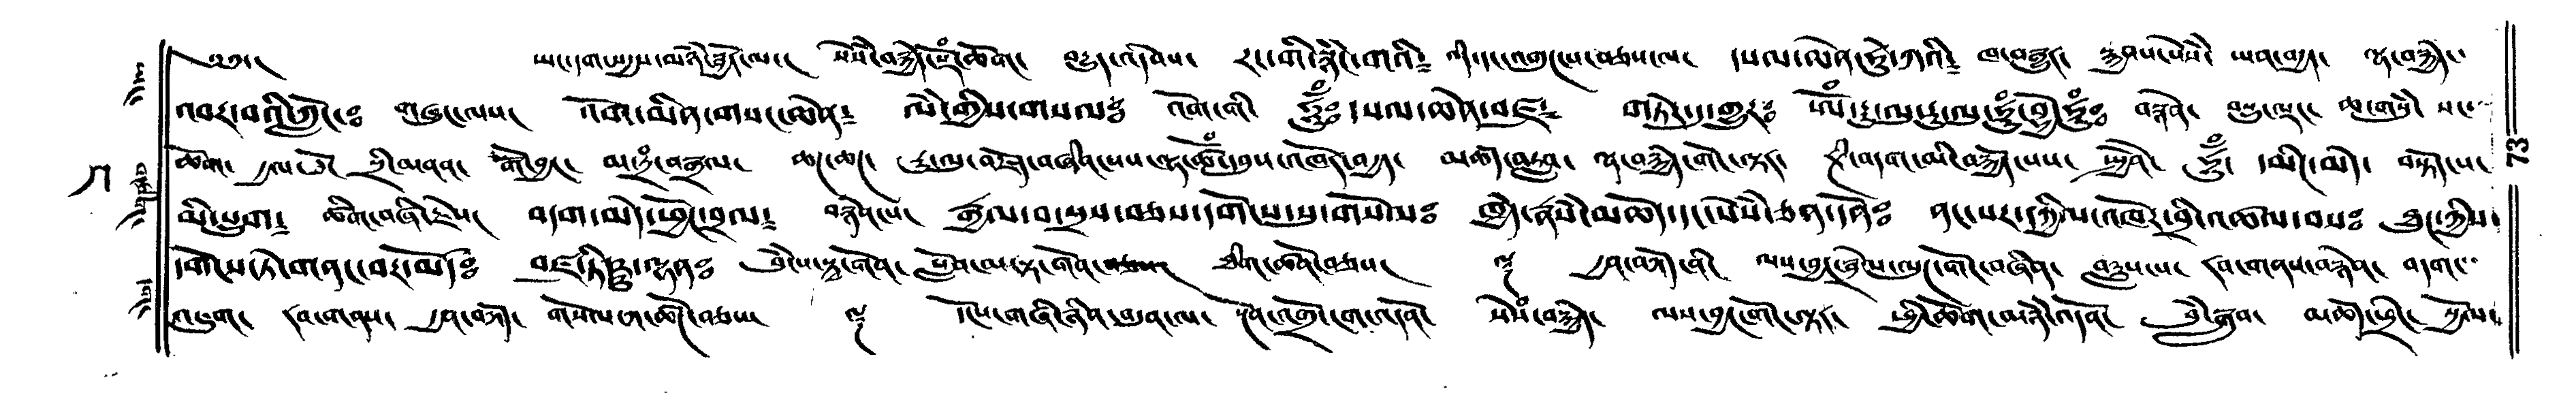༧༣༽ ཡང་དག་སངས་རྒྱས་མཉམ་སྦྱོར་ལ། སེམས་བསྐྱེད་སྡོམ་ཆོག། བརྒྱུད་འདེབས། རང་གི་སྙིང་གའི༴ འདི་དང་འགུགས་པ་བཅས་ལ། དཔལ་ཆེན་ཧེ་རུ་ཀའི༴ ཁ་སྒྱུར། སྐྱབས་སེམས། ཡན་བརྒྱད། ལྷ་བསྐྱེད། 
འབར་པའི་ཀློངཿ གཞུང་ལས། འོག་མིན་གསང་ཆེན༴ ལམ་གྱི་གསལཿ འོག་གི ཧཱུྃཿ དཔལ་ཆེན་བཛྲ༴ གཏེར་དུ་གྱུརཿ ཨོཾ་རུ་ལུ་རུ་ལུ་ཧཱུྃ་བྷྱོ་ཧཱུྃཿ བསྙེན། བསྡུ་ལྡང་། ཆ་གསུམ། ས་
ཆོག རྒྱལ་ཐོ། སྲི་མནན། སྒོ་བྱང་། མ་ཏྲཾ་བསྒྲལ། ཆག་ཆག རུ་ལུ་བརྗོད་བཞིན་པས་ལྷ་ཚོམ་དབུས་འཁོར་བརྒྱད། མཆོད་བརླབ། ལྷ་བསྐྱེད་གོང་ལྟར། རིགས་བདག་མི་བསྐྱོད་པས། སྤྱན་འདྲེན། ཧཱུྃཿ དམིགས་མེད༴ བསྟོད་པ་
མི་སྡུག༴ ཚིག་བཞི་རྗེས། བདག་མེད་ཕྱོགས་བྲལ༴ བསྙེན་པ། རྒྱལ་བ་སྲས་བཅས་དགོངས་སུ་གསོལཿ ཁྱེད་རྣམས་མཆོད་དང་སེམས་ཅན་དོནཿ ནངས་པར་དཀྱིལ་འཁོར་བྲི་འཚལ་བསཿ ཐུགས་ཀྱིས་
དགོངས་ཏེ་གནང་བར་མཛོདཿ བཛྲ་ཏིཥྛ་ལྷནཿ བུམ་པ་སྟ་གོན། སློབ་མ་སྟ་གོན། ཐིག་ཚོན་བཅས། ༈ རྒྱན་བཀོད་ནི། ལས་བྱང་སྦྲེལ་ལུགས་གོང་བཞིན། བཟླས་པ། རབ་གནས་བསྙེན། བདག་
འཇུག རབ་གནས། རྒྱན་བཀོད། གསོལ་ཀ་ཚོགས་བཅས། ༈ དངོས་གཞི་ཉིན་བདུན་ལ། སྔོན་འགྲོ་ངག་འདོན། སེམས་བསྐྱེད། ལས་བྱང་གོང་ལྟར། ཕྱི་ཆོག་མཉམ་འདོན། བུམ་སྒྲུབ། མཆོད་ཕྲེང་།